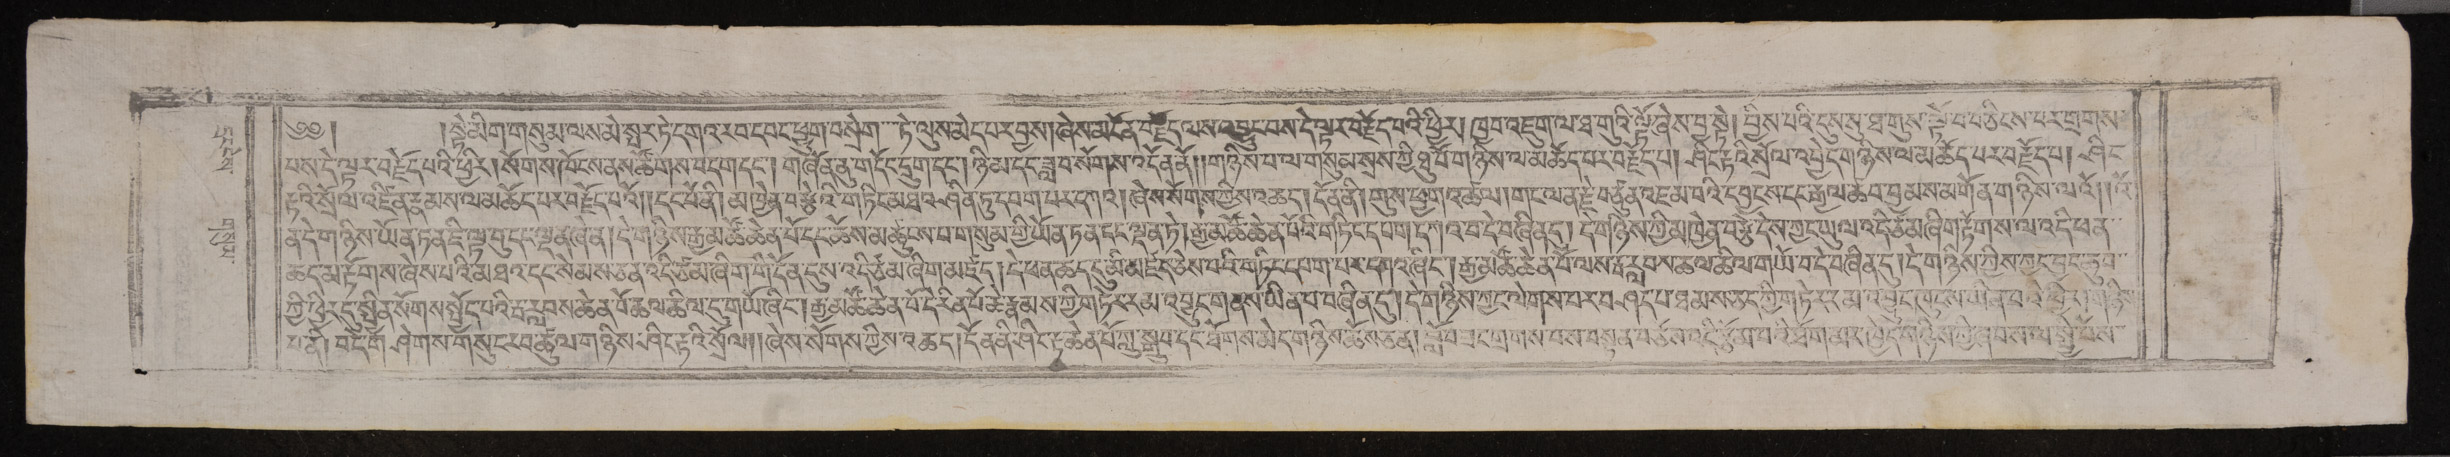༄༅། །སྟེ་མིག་གསུམ་ལས་མེ་སྦར་ཏེ་དགའ་རབ་དབང་ཕྱུག་བསྲེག་ཏེ་ལུས་མེད་པར་བྱས། ཞེས་མངོན་བརྗོད་ལས་འབྱུང་བས་དེ་ལྟར་བརྗོད་བའི་ཕྱིར། ཁྱབ་འཇུག་ལ་ཐ་གུའི་ལྟོ་ཞེས་བྱ་སྟེ། བྱིས་པའི་དུས་སུ་ཐ་གུས་ལྟོ་བ་བཅིངས་པར་གྲགས་
པས་དེ་ལྟར་བརྗོད་པའི་ཕྱིར། སོགས་ཁོངས་ནས་ཚོགས་བདག་དང་། གཞོན་ནུ་གདོང་དྲུག་དང་། ཉི་མ་དང་ཟླ་བ་སོགས་འདོན་ནོ། །གཉིས་པ་ལ་གསུམ་སྲས་ཀྱི་ཐུ་བོ་གཉིས་ལ་མཆོད་པར་བརྗོད་པ། ཤིང་རྟའི་སྲོལ་འབྱེད་གཉིས་ལ་མཆོད་པར་བརྗོད་པ། ཤིང་
རྟའི་སྲོལ་འཛིན་རྣམས་ལ་མཆོད་པར་བརྗོད་པའོ། །དང་པོ་ནི། མཁྱེན་བརྩེའི་གཏིང་མཐའ་ཤིན་ཏུ་དཔག་པར་དཀའ། ཞེས་སོགས་ཀྱིས་འཆད། དོན་ནི། གུས་ཕྱག་འཚལ། གང་ལན་རྗེ་བཙུན་འཇམ་པའི་དབྱངས་དང་རྒྱལ་ཚབ་བྱམས་མགོན་གཉིས་ལའོ། །འོ་
ན་དེ་གཉིས་ཡོན་ཏན་ཇི་ལྟ་བུ་དང་ལྡན་ཞེ་ན། དེ་གཉིས་རྒྱ་མཚོ་ཆེན་པོ་དང་ཆོས་མཚུངས་པ་གསུམ་གྱི་ཡོན་ཏན་དང་ལྡན་ཏེ། རྒྱ་མཚོ་ཆེན་པོའི་གཏིང་དཔག་དཀའ་བ་དེ་བཞིན་དུ། དེ་གཉིས་ཀྱི་མཁྱེན་བརྩེ་དེས་ཀྱང་ཡུལ་འདི་ཙམ་ཞིག་རྟོགས་ལ་འདི་ཕན་
ཆད་མ་རྟོགས་ཞེས་པའི་མཐའ་དང་སེམས་ཅན་འདི་ཙམ་ཞིག་གི་དོན་དུས་འདི་ཙམ་ཞིག་མཛད། དེ་ཕན་ཆད་དུ་མི་མཛད་ཅེས་པའི་གཏིང་དཔག་པར་དཀའ་ཞིང་། རྒྱ་མཚོ་ཆེན་པོ་ལས་རྦ་རླབས་ཆལ་ཆིལ་གཡོ་བ་དེ་བཞིན་དུ། དེ་གཉིས་ཀྱིས་ཀྱང་བྱང་ཆུབ་
ཀྱི་ཕྱིར་དུ་སྦྱིན་སོགས་སྤྱོད་པའི་རྦ་རླབས་ཆེན་པོ་ཆལ་ཆིལ་དུ་གཡོ་ཞིང་། རྒྱ་མཚོ་ཆེན་པོ་དེ་རིན་པོ་ཆེ་རྣམས་ཀྱི་གཏེར་རམ་འབྱུང་གནས་ཡིན་པ་བཞིན་དུ། དེ་གཉིས་ཀྱང་ལེགས་པར་བཤད་པ་ཐམས་ཅད་ཀྱི་གཏེར་རམ་འབྱུང་ཁུངས་ཡིན་པའི་ཕྱིར། གཉིས་
པ་ནི། བདེ་གཤེགས་གསུང་རབ་ཚུལ་གཉིས་ཤིང་རྟའི་སྲོལ། །ཞེས་སོགས་ཀྱིས་འཆད། དོན་ནི་ཤིང་རྟ་ཆེན་པོ་ཀླུ་སྒྲུབ་དང་ཐོགས་མེད་གཉིས་ཆོས་ཅན། བློ་བཟང་གྲགས་པས་བསྟན་བཅོས་འདི་རྩོམ་པའི་ཐོག་མར་ཁྱོད་གཉིས་ཀྱི་ཞབས་ལ་སྤྱི་བོས་